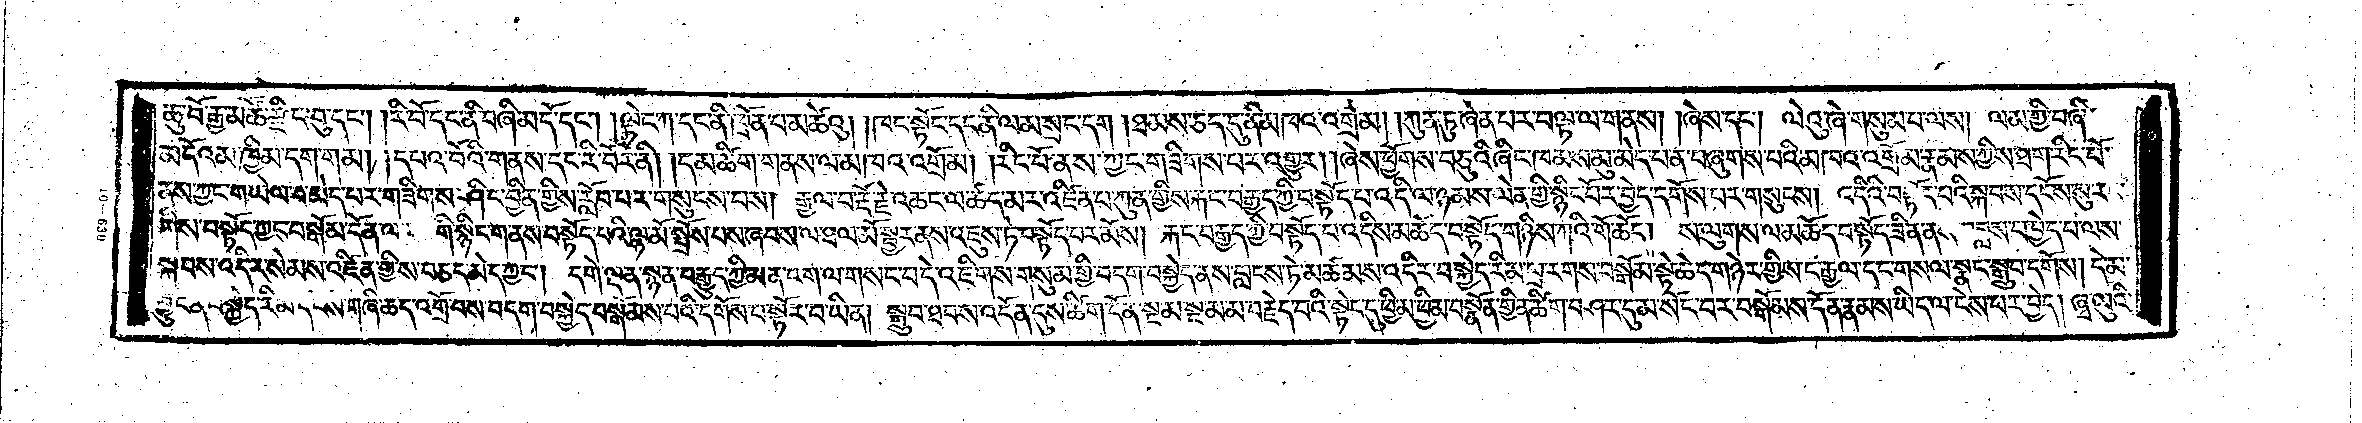ཆུ་བོ་རྒྱ་མཚོ་རྫིང་བུ་དང་། །རི་བོ་དང་ནི་བཞི་མདོ་དང་། །ལྟེང་ཀ་དང་ནི་ཁྲོན་བ་མཚེའུ། །ཁང་སྟོང་དང་ནི་ལམ་སྲང་དག །ཐམས་ཅད་དུ་ནི་མཁའ་འགྲོ་མ། །ཀུན་ཏུ་ཞེན་པར་བལྟ་ལ་གནས། །ཞེས་དང་། ལེའུ་ཞེ་གསུམ་པ་ལས། ལམ་གྱི་བཞི་
མདོའམ་ཁྱིམ་དག་གམ། །དཔའ་བོའི་གནས་དང་རི་བོར་ནི། །དམ་ཚིག་གནས་ལ་མཁའ་འགྲོ་མ། །རིང་པོ་ནས་ཀྱང་གཟིགས་པར་འགྱུར། །ཞེས་ཕྱོགས་བཅུའི་ཞིང་ཁམས་མུ་མེད་པ་ན་བཞུགས་པའི་མཁའ་འགྲོ་མ་རྣམས་ཀྱིས་ཐག་རིང་པོ་
ནས་ཀྱང་གཡེལ་བ་མེད་པར་གཟིགས་ཤིང་བྱིན་གྱིས་རློབ་པར་གསུངས་པས། རྒྱལ་བ་རྡོ་རྗེ་འཆང་ལ་ཚད་མར་འཛིན་པ་ཀུན་གྱིས་རྐང་བརྒྱད་ཀྱི་བསྟོད་པ་འདི་ལ་ཉམས་ལེན་གྱི་སྙིང་པོར་བྱེད་དགོས་པར་གསུངས། འདིའི་བསྟོད་པའི་སྐབས་དངོས་སུ་རང་
གིས་བསྟོད་ཀྱང་བསྒོམ་དོན་ལ་རང་གི་སྙིང་གནས་བསྟོད་པའི་ལྷ་མོ་སྒྲོས་པས་ཞབས་ལ་ཐལ་མོ་སྦྱར་ནས་འཇུས་ཏེ་བསྟོད་པར་མོས། རྐང་བརྒྱད་ཀྱི་བསྟོད་པ་འདིས་མཆོད་བསྟོད་གཉིས་ཀའི་གོ་ཆོད། ས་ལུགས་ལ་མཆོད་བསྟོད་ཟིན་ནས་བཟླས་བ་བྱེད་པ་ལས་
སྐབས་འདིར་སེམས་འཛིན་གྱི་ས་བཅད་མེད་ཀྱང་། དགེ་ལྡན་སྙན་ནས་བླངས་ཏེ་མཚམས་འདིར་བསྐྱེད་རིམ་ཕྲ་རགས་བསྒོམ་སྟེ་ཆེད་ནས་བླངས་ཏེ་མཚམས་འདིར་བསྐྱེད་རིམ་ཕྲ་རགས་བསྒོམ་སྟེ་ཆེད་གཉེར་གྱིས་ང་རྒྱལ་དང་གསལ་སྣང་སྒྲུབ་དགོས། དེ་མ་
བྱུང་ན་བསྐྱེད་རིམ་དངོས་གཞི་ཆད་འགྲོ་བས་བདག་བསྐྱེད་བསྒོམས་པའི་དགོས་བསྟོར་བ་ཡིན། སྒྲུབ་ཐབས་འདོན་དུས་ཚིག་དོན་སྔ་མ་སྔ་མ་མ་བརྗེད་པའི་སྟེང་དུ་ཕྱི་མ་ཕྱི་མ་བསྣོན་གྱིན་ཚིག་བཤར་དུ་མ་སོང་བར་བསྒོམས་དོན་རྣམས་ཡིད་ལ་ངེས་པར་བྱེད། ཞྭ་ལུའི་